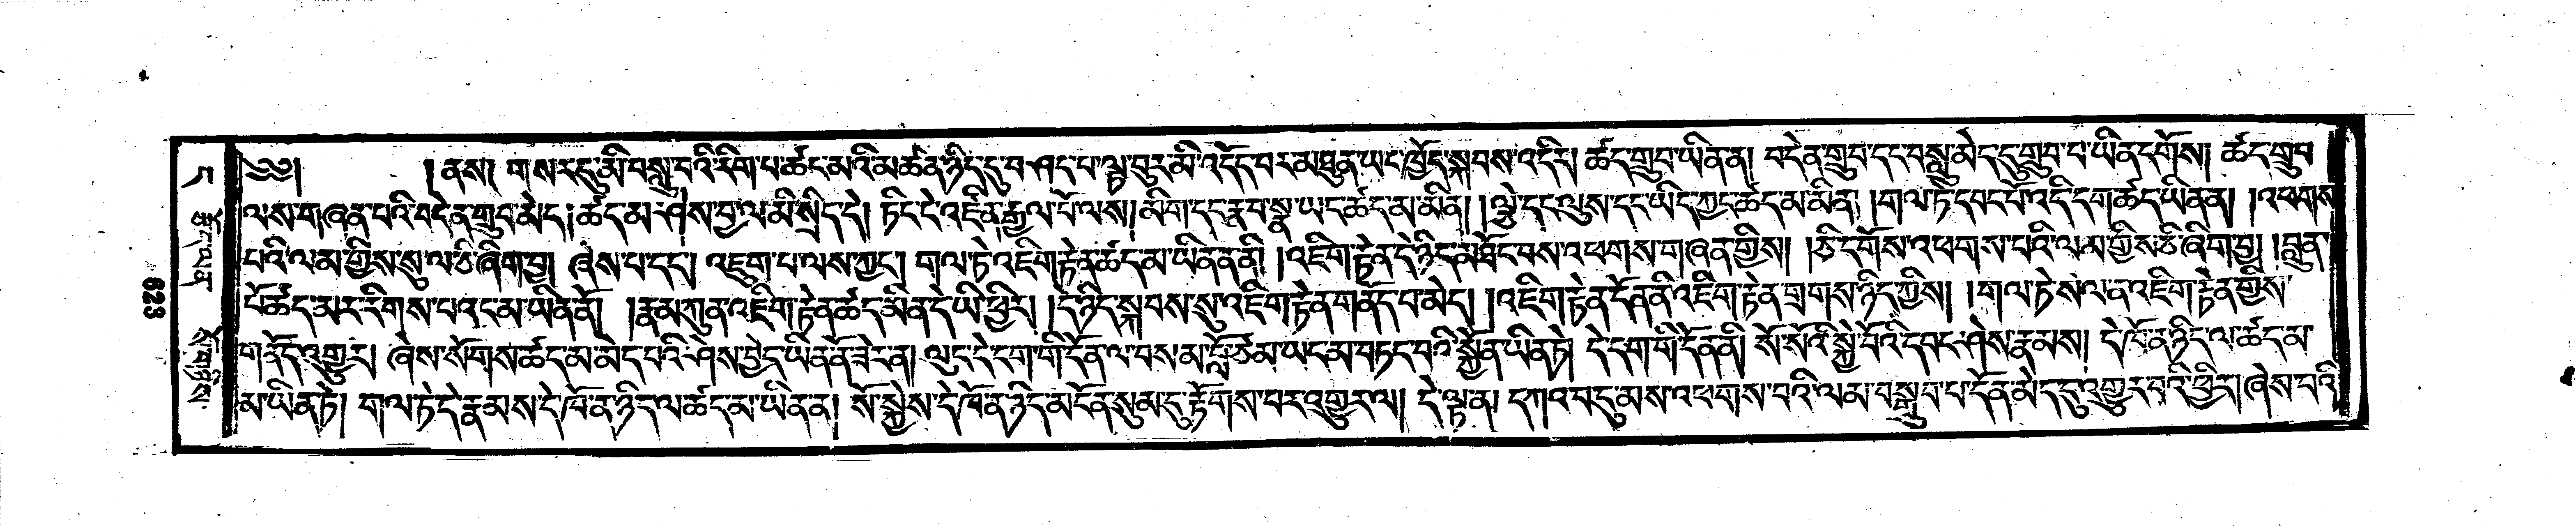༄༅། །ནས༑ གསར་དུ་མི་བསླུ་བའི་རིག་པ་ཚད་མའི་མཚན་ཉིད་དུ་བཤད་པ་ལྟ་བུར་མི་འདོད་པར་མཐུན་ཡང་ཁྱེད་སྐབས་འདིར། ཚད་གྲུབ་ཡིན་ན། བདེན་གྲུབ་དང་བསླུ་མེད་དུ་གྲུབ་པ་ཡིན་དགོས། ཚད་གྲུབ་
ལས་གཞན་པའི་བདེན་གྲུབ་མེད། ཚད་མ་ཤེས་བྱ་ལ་མི་སྲིད་དེ། ཏིང་ངེ་འཛིན་རྒྱལ་པོ་ལས། མིག་དང་རྣ་བ་སྣ་ཡང་ཚད་མ་མིན། །ལྕེ་དང་ལུས་དང་ཡིད་ཀྱང་ཚད་མ་ཡིན། །གལ་ཏེ་དབང་པོ་འདི་དག་ཚད་ཡིན་ན། །འཕགས་
པའི་ལམ་གྱིས་སུ་ལ་ཅི་ཞིག་བྱ། ཞེས་པ་དང་། འཇུག་པ་ལས་ཀྱང་། གལ་ཏེ་འཇིག་རྟེན་ཚད་མ་ཡིན་ན་ནི། །འཇིག་རྟེན་དེ་ཉིད་མཐོང་བས་འཕགས་གཞན་གྱིས། །ཅི་དགོས་འཕགས་པའི་ལམ་གྱིས་ཅི་ཞིག་བྱ། །བླུན་
པོ་ཚད་མར་རིགས་པའང་མ་ཡིན་ནོ། །རྣམ་ཀུན་འཇིག་རྟེན་ཚད་མིན་དེ་ཡི་ཕྱིར། །དེ་ཉིད་སྐབས་སུ་འཇིག་རྟེན་གནོད་པ་མེད། །འཇིག་རྟེན་དོན་ནི་འཇིག་རྟེན་གྲགས་ཉིད་ཀྱིས། །གལ་ཏེ་སེལ་ན་འཇིག་རྟེན་གྱིས་
གནོད་འགྱུར། ཞེས་སོགས་ཚད་མ་མེད་པའི་ཤེས་བྱེད་ཡིན་ནོ་ཟེར་ན། ལུང་དེ་ངག་གི་དོན་ལ་བསམ་བློ་ཙམ་ཡང་མ་བཏང་བའི་སྐྱོན་ཡིན་ཏེ། དེ་དག་གི་དོན་ནི། སོ་སོའི་སྐྱེ་བོའི་དབང་ཤེས་རྣམས། དེ་ཁོ་ན་ཉིད་ལ་ཚད་མ་
མ་ཡིན་ཏེ། གལ་ཏེ་དེ་རྣམས་དེ་ཁོ་ན་ཉིད་ལ་ཚད་མ་ཡིན་ན། སོ་སྐྱེས་དེ་ཁོ་ན་ཉིད་མངོན་སུམ་དུ་རྟོགས་པར་འགྱུར་ལ། དེ་ལྟ་ན། དཀའ་བ་དུ་མས་འཕགས་པའི་ལམ་བསྒྲུབ་པ་དོན་མེད་དུ་འགྱུར་བའི་ཕྱིར། ཞེས་པའི་